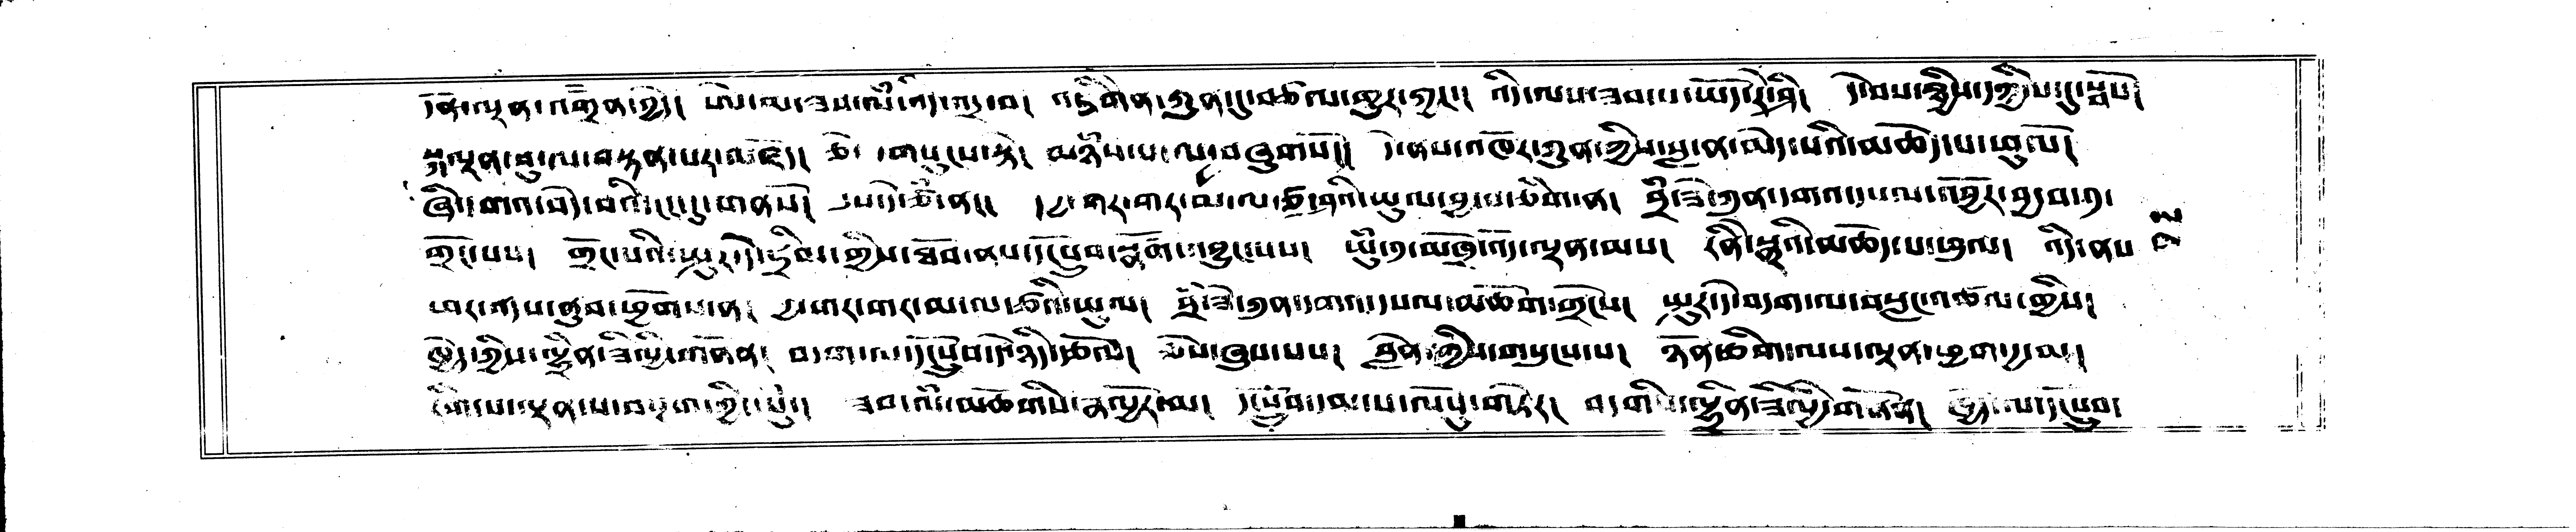དོན་ལྡན་འགྲོ་དོན་བྱེད། ཨེ་མ་ཟབ་ལམ་འདི་འདྲ་བ། འཇིག་རྟེན་ཀུན་ཏུ་བཙལ་གྱུར་ཀྱང་། འདི་ལས་ཟབ་པ་ཡོད་རེ་ཤི དེ་བས་ཐུགས་ཀྱི་དཀྱིལ་དུ་སྦོས། 
སྐལ་ལྡན་བུ་ལ་བསྟན་པར་མཛོད། ཅེས་གསུངས་ཏེ། མཉམ་པ་ལ་བཞུགས་སོ། དེ་ནས་འཁོར་ཀུན་གྱིས་བླ་ན་མེད་པའི་མཆོད་པ་ཕུལ་ལོ།
 ཞི་དགའ་བདེ་བའི་ངང་དུ་གནས་སོ། དུས་དེ་ཙམ་ན། རྒྱ་གར་མ་ལ་ཙ་ཤའི་ཡུལ་བྱ་བ་ཅིག་ན། བྲམ་ཟེ་ཀུན་དགའ་དཔལ་འབྱོར་བྱ་བ་གཅིག་
གྲོང་པས། གྲོང་པའི་སྤུར་དེ་ཧྲིམ་གྱིས་ཐོབ་ནས་དངོས་གྲུབ་སྣ་ཚོགས་འབྱུང་བས། ཡུམ་ཅིག་མཁའ་འགྲོ་འོད་ལྡན་མས། རིན་ཆེན་སྣ་ལྔའི་མཆོད་པ་ཕུལ། འདི་ནས་
ཕར་འདས་ནུབ་ཕྱོགས་ན། རྒྱ་གར་མ་ལ་ཙའི་ཡུལ། བྲམ་ཟེ་ཀུན་དགའ་དཔལ་མཆོག་གྲོངས། སྤུར་དེ་བདག་ལ་བསླང་འཚལ་གྱིས།
 ཁྱེད་ཀྱིས་ལྷ་སྲིན་ཟིལ་གྱིས་གནོན། བདག་ལ་དངོས་གྲུབ་དེ་ཉིད་སྩོལ། ཅེས་ཞུས་པས། བླ་ཆེན་གྱིས་གསུངས་པ། ཉོན་ཅིག་ལས་ལྡན་ཕྱག་རྒྱ་མ། 
རིག་པ་ལྡན་པ་སྔགས་ཀྱི་ཡུམ། ཟབ་ལམ་མཆོག་གི་རྣལ་འབྱོར་མ། དངོས་གྲུབ་དམ་པ་ལོངས་སུ་སྟེར། བདག་གིས་ལྷ་སྲིན་ཟིལ་གྱིས་གནོན། ཁྱོད་ལ་དངོས་གྲུབ་